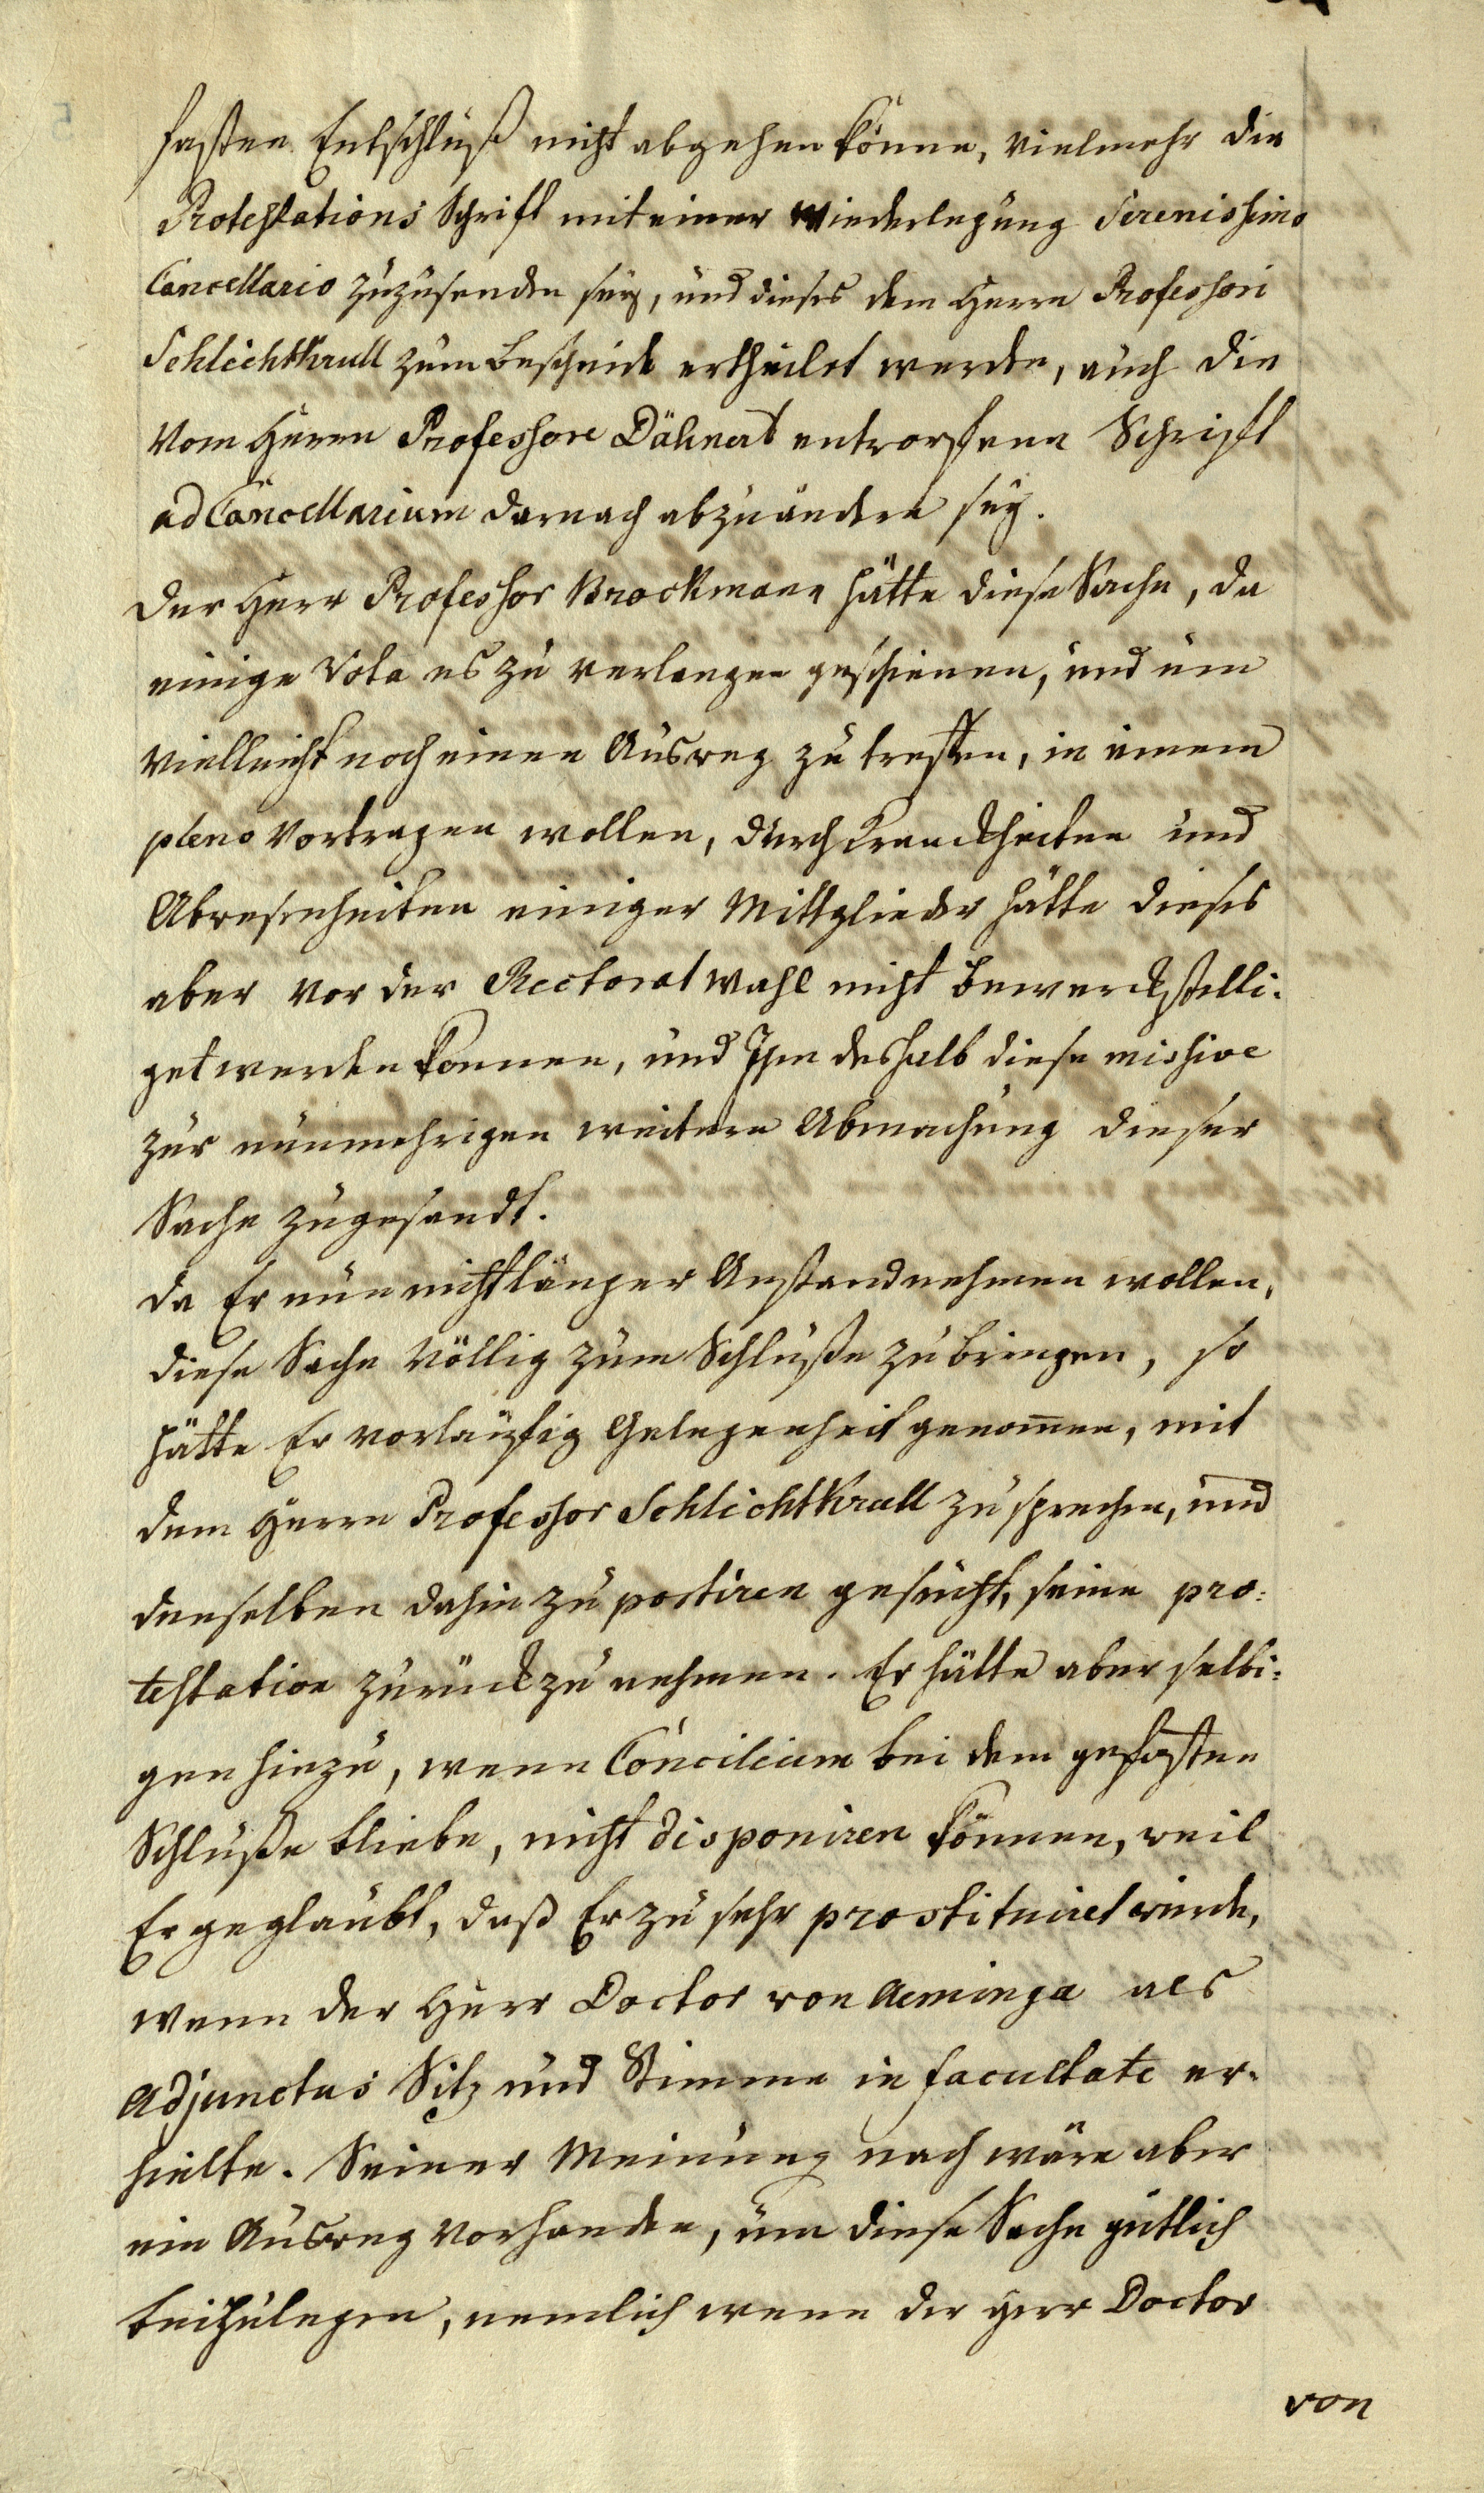fasten Entschluß nicht abgehen könne, vielmehr die
Protestations Schrift mit einer Wiederlegung Serenissimo
Cancellario zuzusenden seÿ, und dieses dem Herrn Professori
Schlichtkrull zum Bescheide ertheilet werde, auch die
vom Herrn Professore Dähnert entworfene Schrift
ad Cancellarium darnach abzuändern seÿ.
Der Herr Professor Brockmann hätte diese Sache, da
einige Vota es zu verlangen geschienen, und um
vielleicht noch einen Ausweg zu treffen, in einem
pleno vortragen wollen, durch Kranckheiten und
Abwesenheiten einiger Mittglieder hätte dieses
aber vor der Rectoratwahl nicht bewerckstelli¬
get werden können, und ihm deshalb diese missive
zur nunmehrigen weitern Abmachung dieser
Sache zugesandt.
Da Er nun nicht länger Anstand nehmen wollen,
diese Sache völlig zum Schluße zu bringen, so
hätte Er vorläufig Gelegenheit genomen, mit
dem Herrn Professor Schlichtkrull zu sprechen, und
denselben dahin zu portiren gesucht, seine pro¬
testation zurückzunehmen. Er hätte aber selbi¬
gen hiezu, wenn Concilium bei dem gefasten
Schluße bliebe, nicht disponiren können, weil
Er geglaubt, daß Er zu sehr prostituiret würde,
wenn der Herr Doctor von Aeminga als
Ajunctus Sitz und Stimme in facultate er¬
hielte. Seiner Meinung nach wäre aber
ein Ausweg vorhanden, um diese Sache gütlich
beizulegen, nemlich wenn der Herr Doctor
von